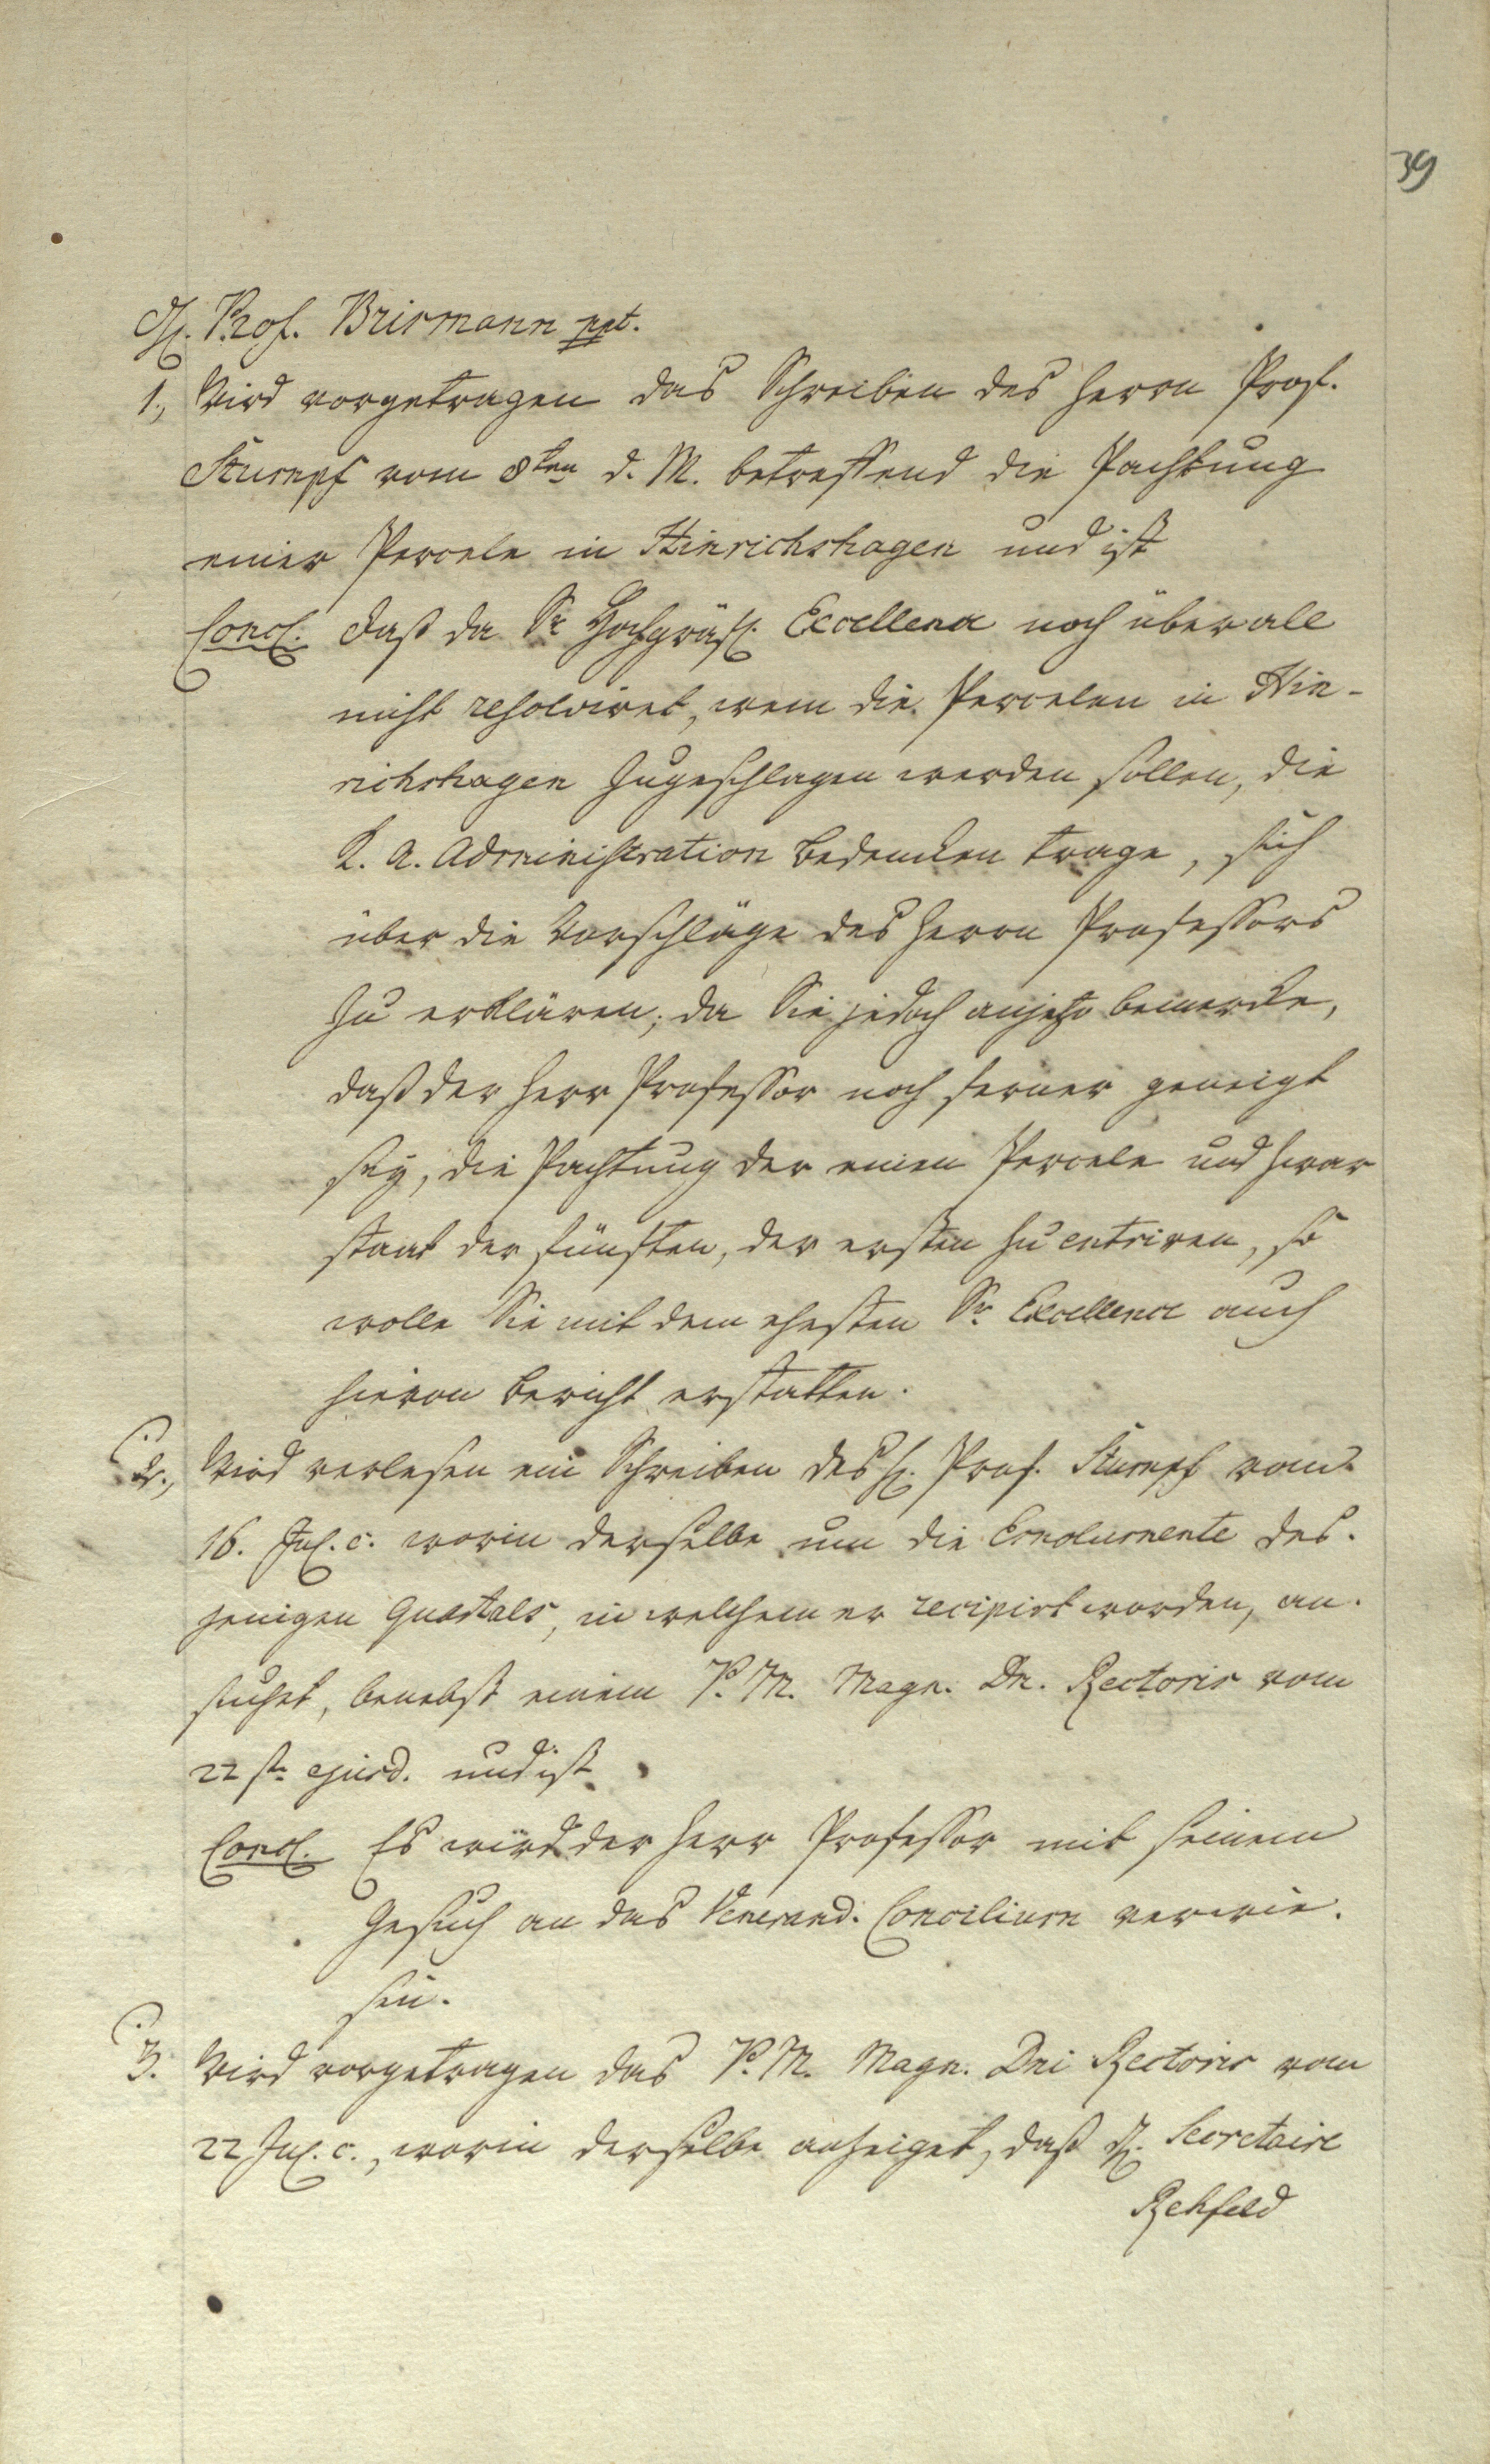dh. Prof. Brismann ppt.
1., Wird vorgetragen das Schreiben des Herrn Prof.
Stumpf vom 8 ten d. M. betreffend die Pachtung
einer Percele in Hinrichshagen und ist
Concl. Daß da Sr Hochgräfl. Excellence noch überall
nicht resolviret, wem die Percelen in Hin¬
richshagen zugeschlagen werden sollen, die
K. A. Administration Bedencken trage, sich
über die Vorschläge des Herrn Professors
zu erklären; da Sie jedoch anjetzo bemercke,
daß der Herr Professor noch ferner geneigt
seÿ, die Pachtung der einen Percele und zwar
staat der fünften, der ersten zu entriren, so
wolle Sie mit dem ehesten Sr Excellence auch
hievon Bericht erstatten.
2., Wird verlesen ein Schreiben des H. Prof. Stumpf vom
16. Jul. c. worin derselbe um die Emolumente des¬
jenigen Quartals, in welchem er recipirt worden, an¬
suchet, benebst einem P. M. Magn. Dn. Rectoris vom
22 st ejusd. und ist
Concl. Es wird der Herr Professor mit seinem
Gesuch an das Venerand: Concilium verwie¬
sen.
3. Wird vorgetragen das P. M. Magn. Dni Rectoris vom
22 Jul. c., worin derselbe anzeiget, daß dh. Secretaire
Rehfeld